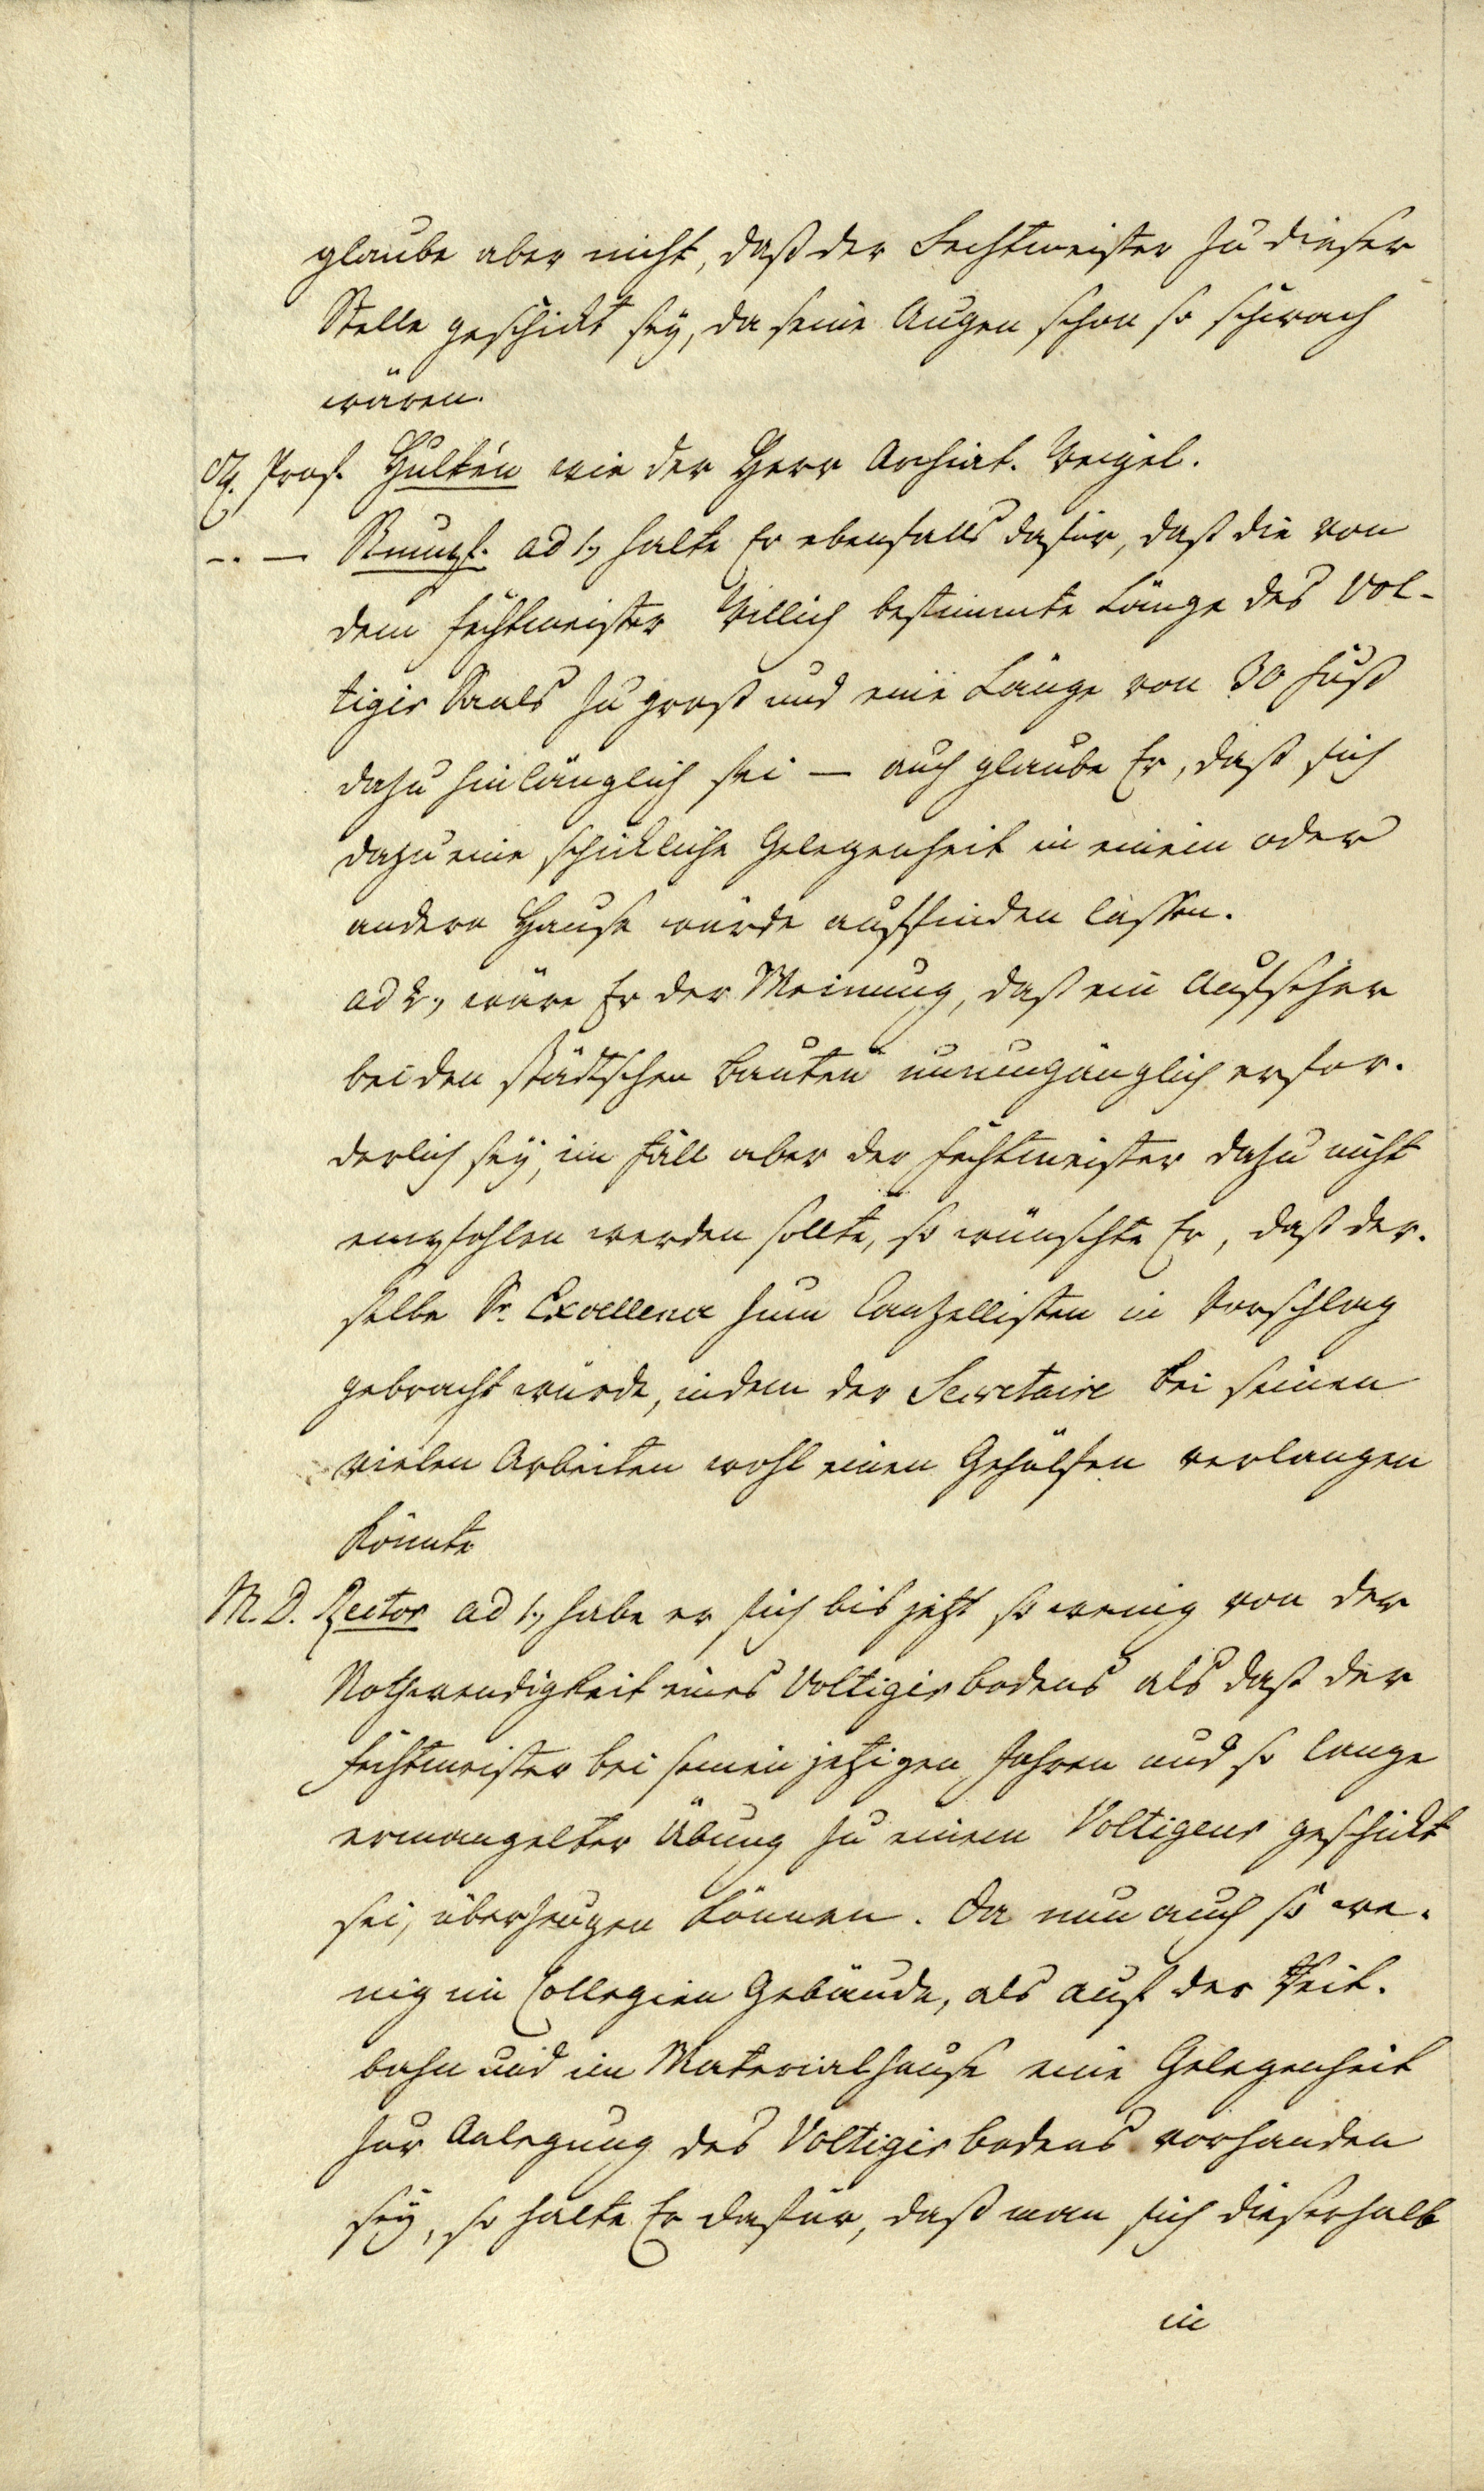glaube aber nicht, daß der Fechtmeister zu dieser
Stelle geschickt seÿ, da seine Augen schon so schwach
wären.
dh. Prof. Hultén wie der Herr Archiat. Weigel.
Stumpf. ad 1. halte Er ebenfalls dafür, daß die von
dem Fechtmeister Willich bestimmte Länge des Vol¬
tigir Saals zu groß und eine Länge von 30 Fuß
dazu hinlänglich sei auch glaube Er, daß sich
dazu eine schickliche Gelegenheit in einem oder
andern Hause würde auffinden lassen.
ad 2, wäre Er der Meinung, daß ein Aufseher
bei den städtschen Bauten unumgänglich erfor¬
derlich seÿ, im Fall aber der Fechtmeister dazu nicht
empfohlen werden sollte, so wünschte Er, daß der¬
selbe Sr Excellence zum Canzellisten in Verschlag
gebracht würde, indem der Secretaire bei seinen
vielen Arbeiten wohl einen Gehülfen verlangen
könnte.
M. D. Rector. ad 1., habe er sich bis jetzt so wenig von der
Nothwendigkeit eines Voltigirbodens als daß der
Fechtmeister bei seinen jetzigen Jahren und so lange
ermangelter Übung zu einem Voltigeur geschickt
sei, überzeugen können. Da nun auch so we¬
nig in Collegien Gebäude, als auf der Reit¬
bahn und im Materialhause eine Gelegenheit
zur Anlegung des Voltigirbodens vorhanden
seÿ, so halte Er dafür, daß man sich dieserhalb
in